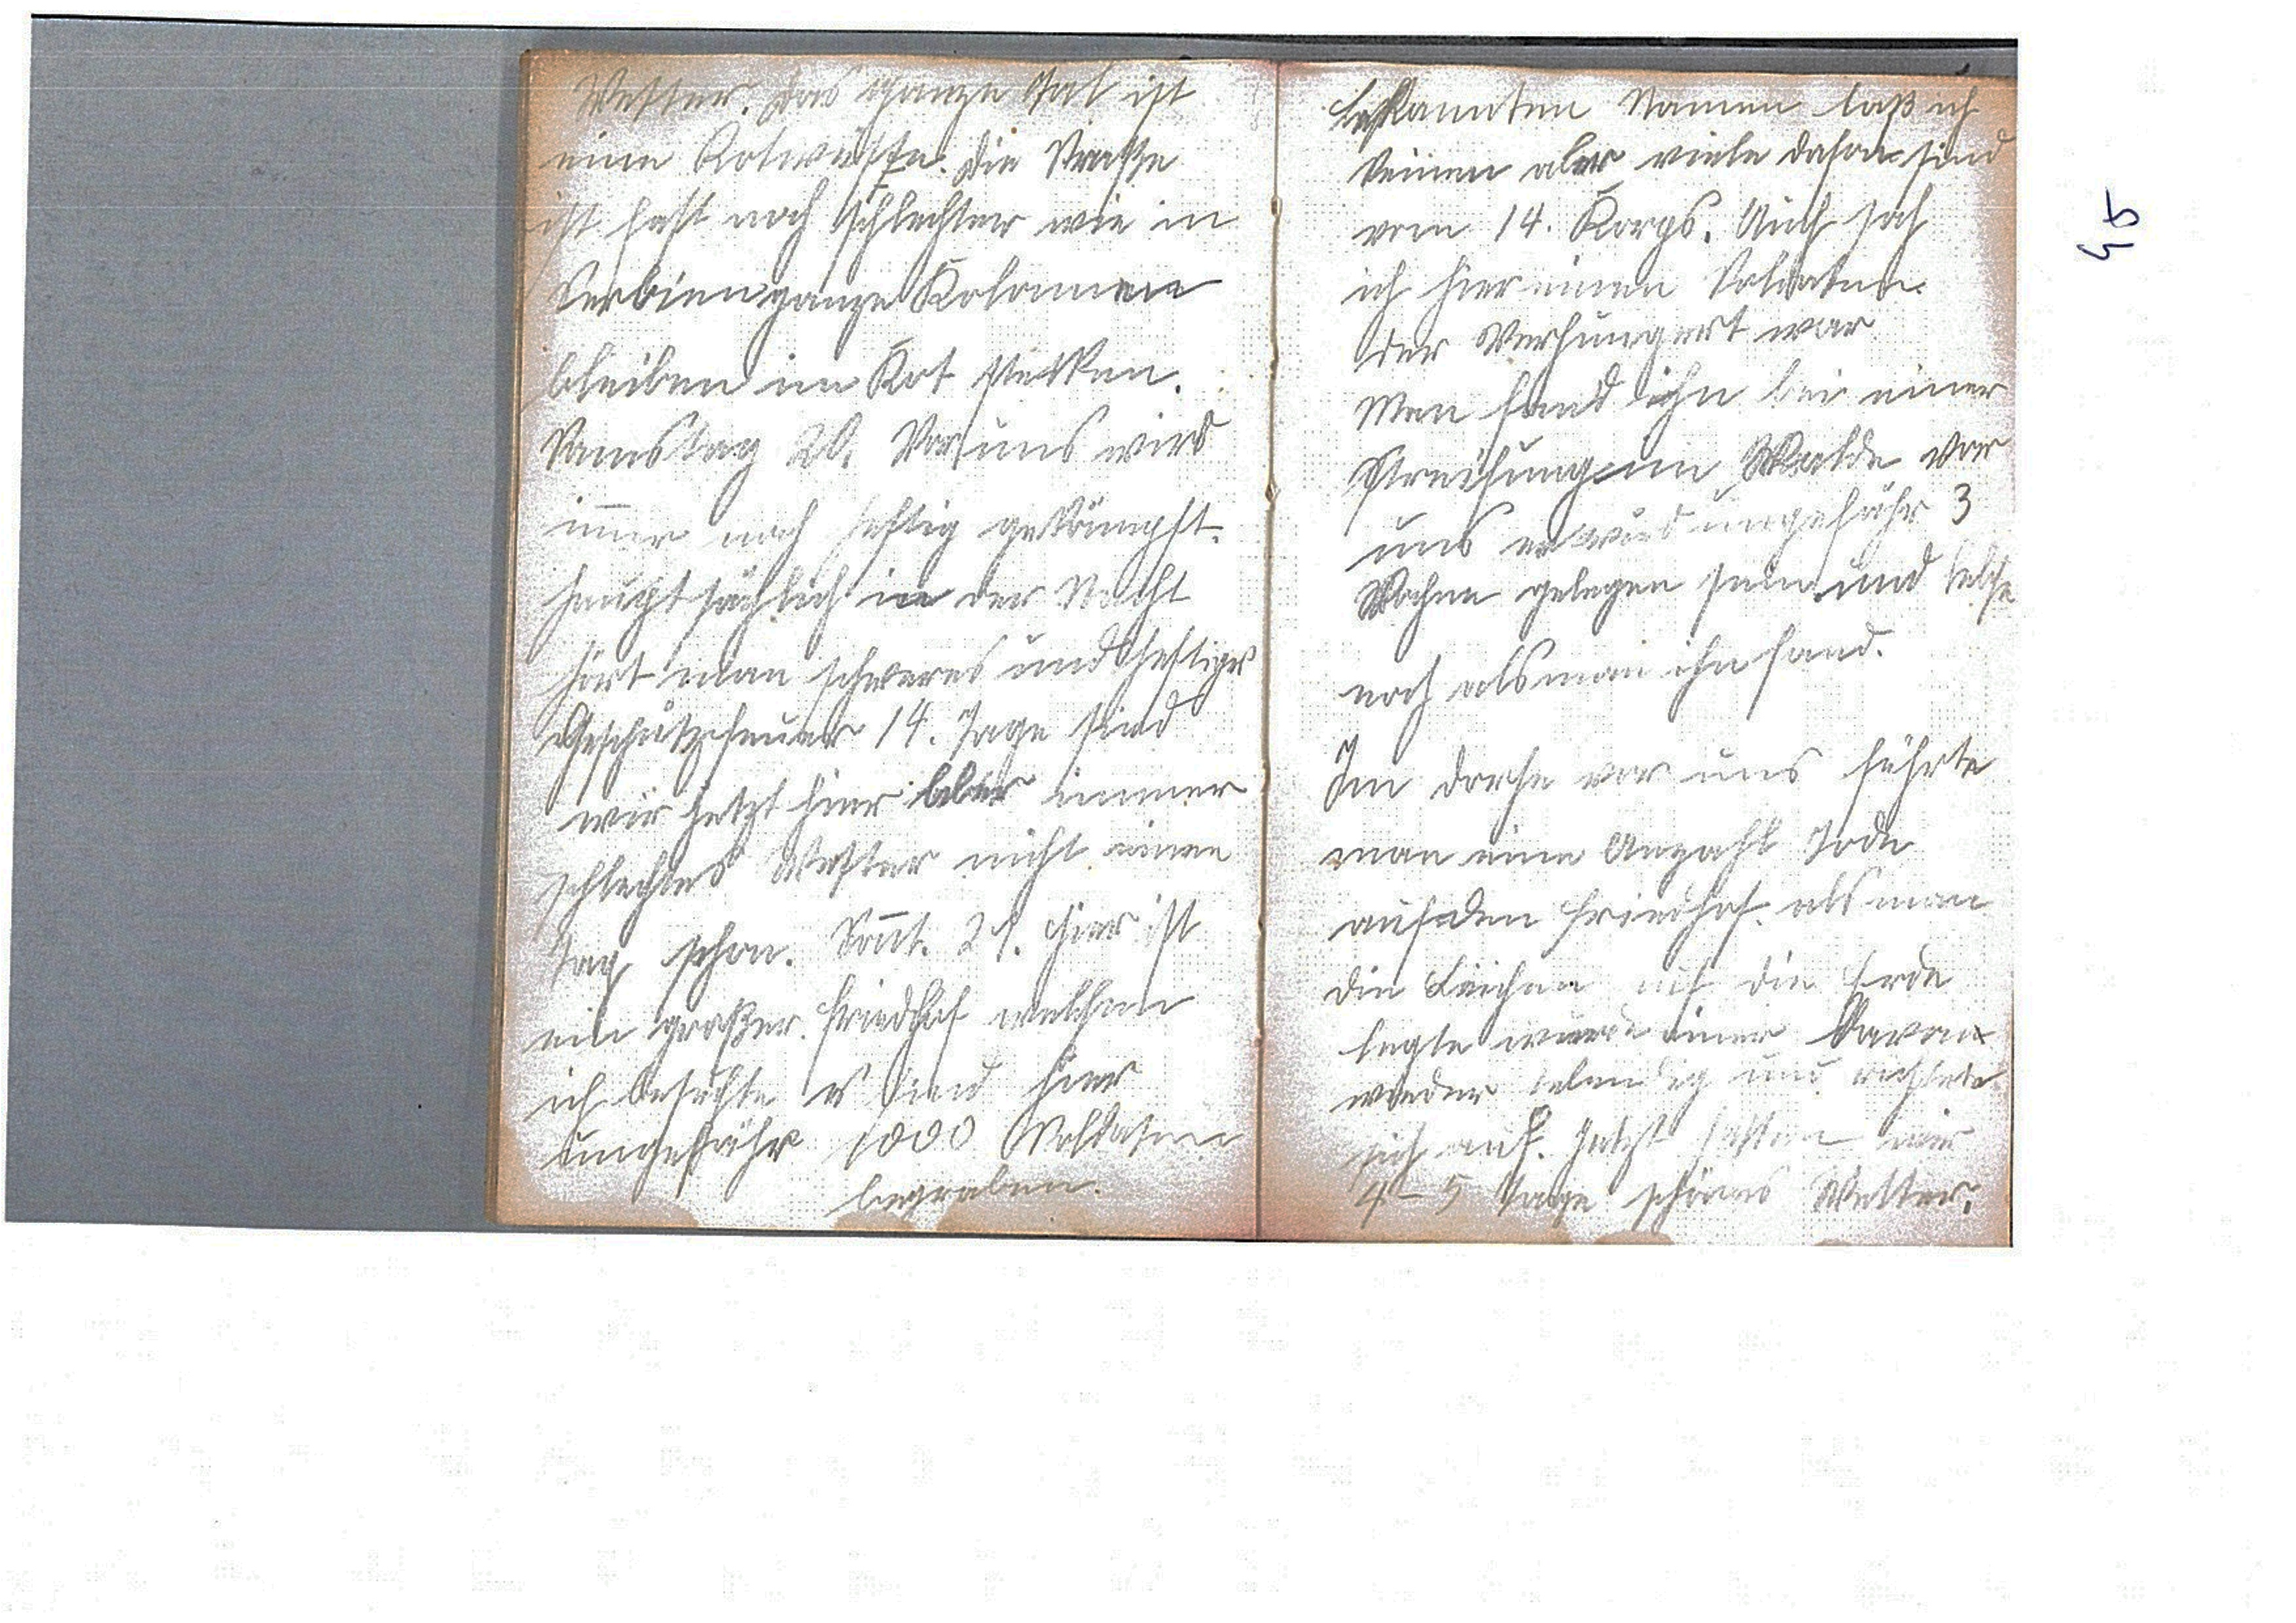Wetter. Das ganze Tal ist
eine Kotwüste. Die Straße
ist fast noch schlechter wie in
Serbien ganze Kolonnen
bleiben im Kot stecken.
Samstag 20. Vor uns wird
immernoch heftig gekämpft.
Hauptsächlich in der Nacht
hört man schweres und heftiges
Geschützfeuer. 14 Tage sind
wir jetzt hier aber immer
schlechtes Wetter nicht einen
Tag schön. Sont. 21. hier ist
ein großer Friedhof welchen
ich besuchte es sind hier
ungefähr 1000 Soldaten
begraben.
bekannte Namen laß ich
keinen aber viele davon sind
vom 14. Korp. Auch sah
ich hier einen Soldaten
der verhungert war
Man fand ihn bei einer
Streifung im Wasser vor
und wird ungefähr 3
Wochen gelegen sein und lebte
noch als man ihn fand.
Im Dorfe vor uns führte
man eine Anzahl Juden
auf den Friedhof als man
die Leichen auf die Erde
legte wurde einer davon
wieder lebendig und richtete
sich auf. Jetzt hatten wir
4-5 Tage schönes Wetter.